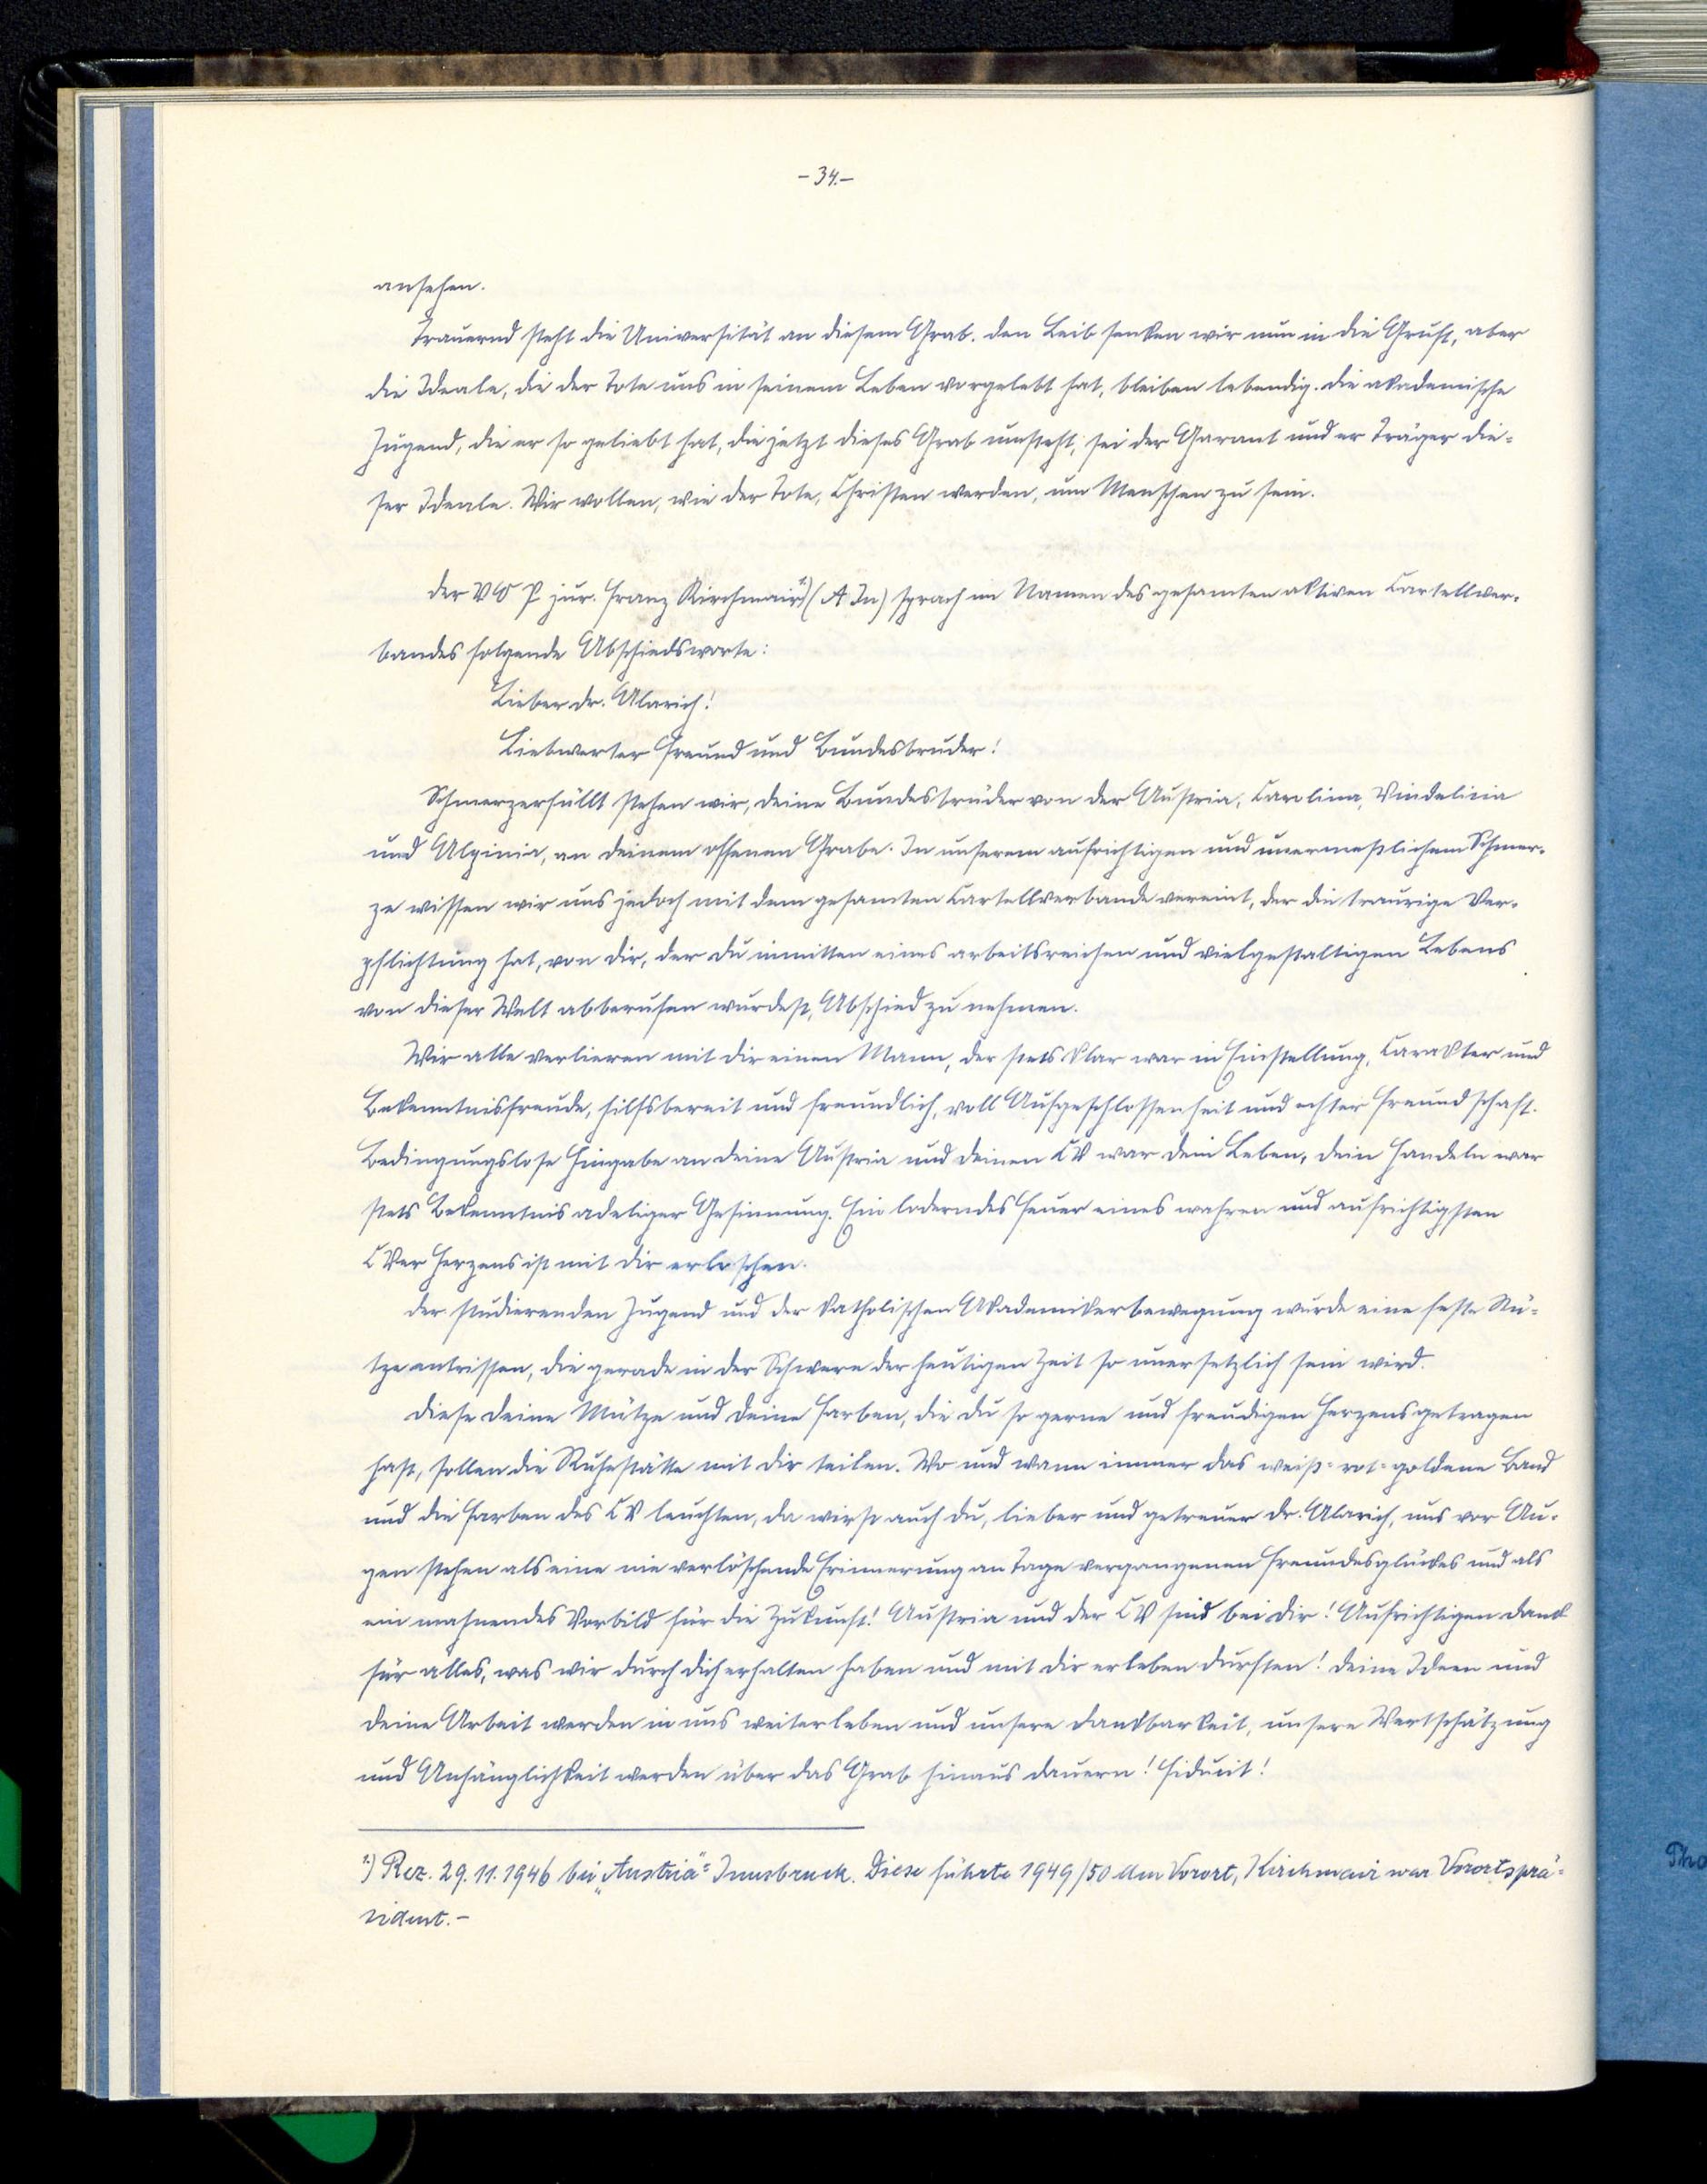34
ansehe.
Trauernd steht die Universität an diesem Grab. Den Leib senken wir nun in die Gruft, aber
die Ideale, die der Tote uns in seinem Leben vorgelebt hat, bleiben lebendig. Die akademische
Jugend, die er so geliebt hat, die jetzt dieses Grab umsteht, sei der Garant und er Träger die-
ser Ideale. Wir wollen, wie der Tote, Christen werden, um Menschen zu sein.
Der VOP iur. Franz Kirchmair *) sprach im Namen der Gesamt gesamten aktiven Cartellver-
bandes folgende Abschiedsworte
Lieber Dr. Alarich!
Liebenswerter Freund um Bundesbruder!
Schmerzerfüllt stehen wir, deine Bundesbrüder von der Austria, Carolina, Vindelicia
und Alpinia an diesem offenen Grab. In unserem aufrichtigen und unermeßlichen Schmer-
ze wissen wir uns jedoch mit dem gesamten Cartellverband vereint, der die traurige Ver-
pflichtung hat, von dir, der du, inmitten eines arbeitsreichen und vielgestaltigen Lebens
von dieser Welt abberufen wurdest, Abschied zu nehmen.
Wir alle verlieren mit dir einen Mann, der stets klar war in Einstellung, Carakter und
Bekenntnisfreude, hilfsbereit und freundlich, voll Aufgeschlossenheit und echter Freundschaft.
Bedingungslose Hingabe an deine Austria und deinen CV war dein Leben, dein Handeln war
stets Bekenntnis adeliger Gesinnung. Ein loderndes Feuer eines wahren und aufrichtigen
CVer Herzens ist mit dir erloschen.
Der studierenden Jugend und der katholischen Akademikerbewegung wurde eine feste Stü-
tze entrissen, die gerade in der Schwere der heutigen Zeit so unersetzlich sein wird.
Diese deine Mütze und deine Farben, die du so gerne und freudigen Herzens getragen
hast, sollen die Ruhestätte mit dir teilen. Wo und wann immer das weiß-rot-goldene Band
und die Farben des CV leuchten, dann wirst auch du, lieber und getreuer Dr. Alarich, Eilrich uns vor Au-
gen stehen als eine nie verlöschende Erinnerung an Tage vergangenen Freundesglückes und als
ein mahnendes Vorbild für die Zukunft! Austria und der CV sind bei dir! Aufrichtigen Dank
für alles, was wir durch dich erhalten haben und mit dir erleben durften! Deine Ideen und deine Arbeit
werden in uns weiterleben und unsere Dankbarkeit, unsere Wertschätzung
und Anhänglichkeit werden über das Grab hinaus dauern! Fiducit!
1) Rez. 29.11.1946 bei „Austria“ Innsbruck. Diese führte 1949/50 den Vorort, Kirchmair war Vorortsprä-
sident.-